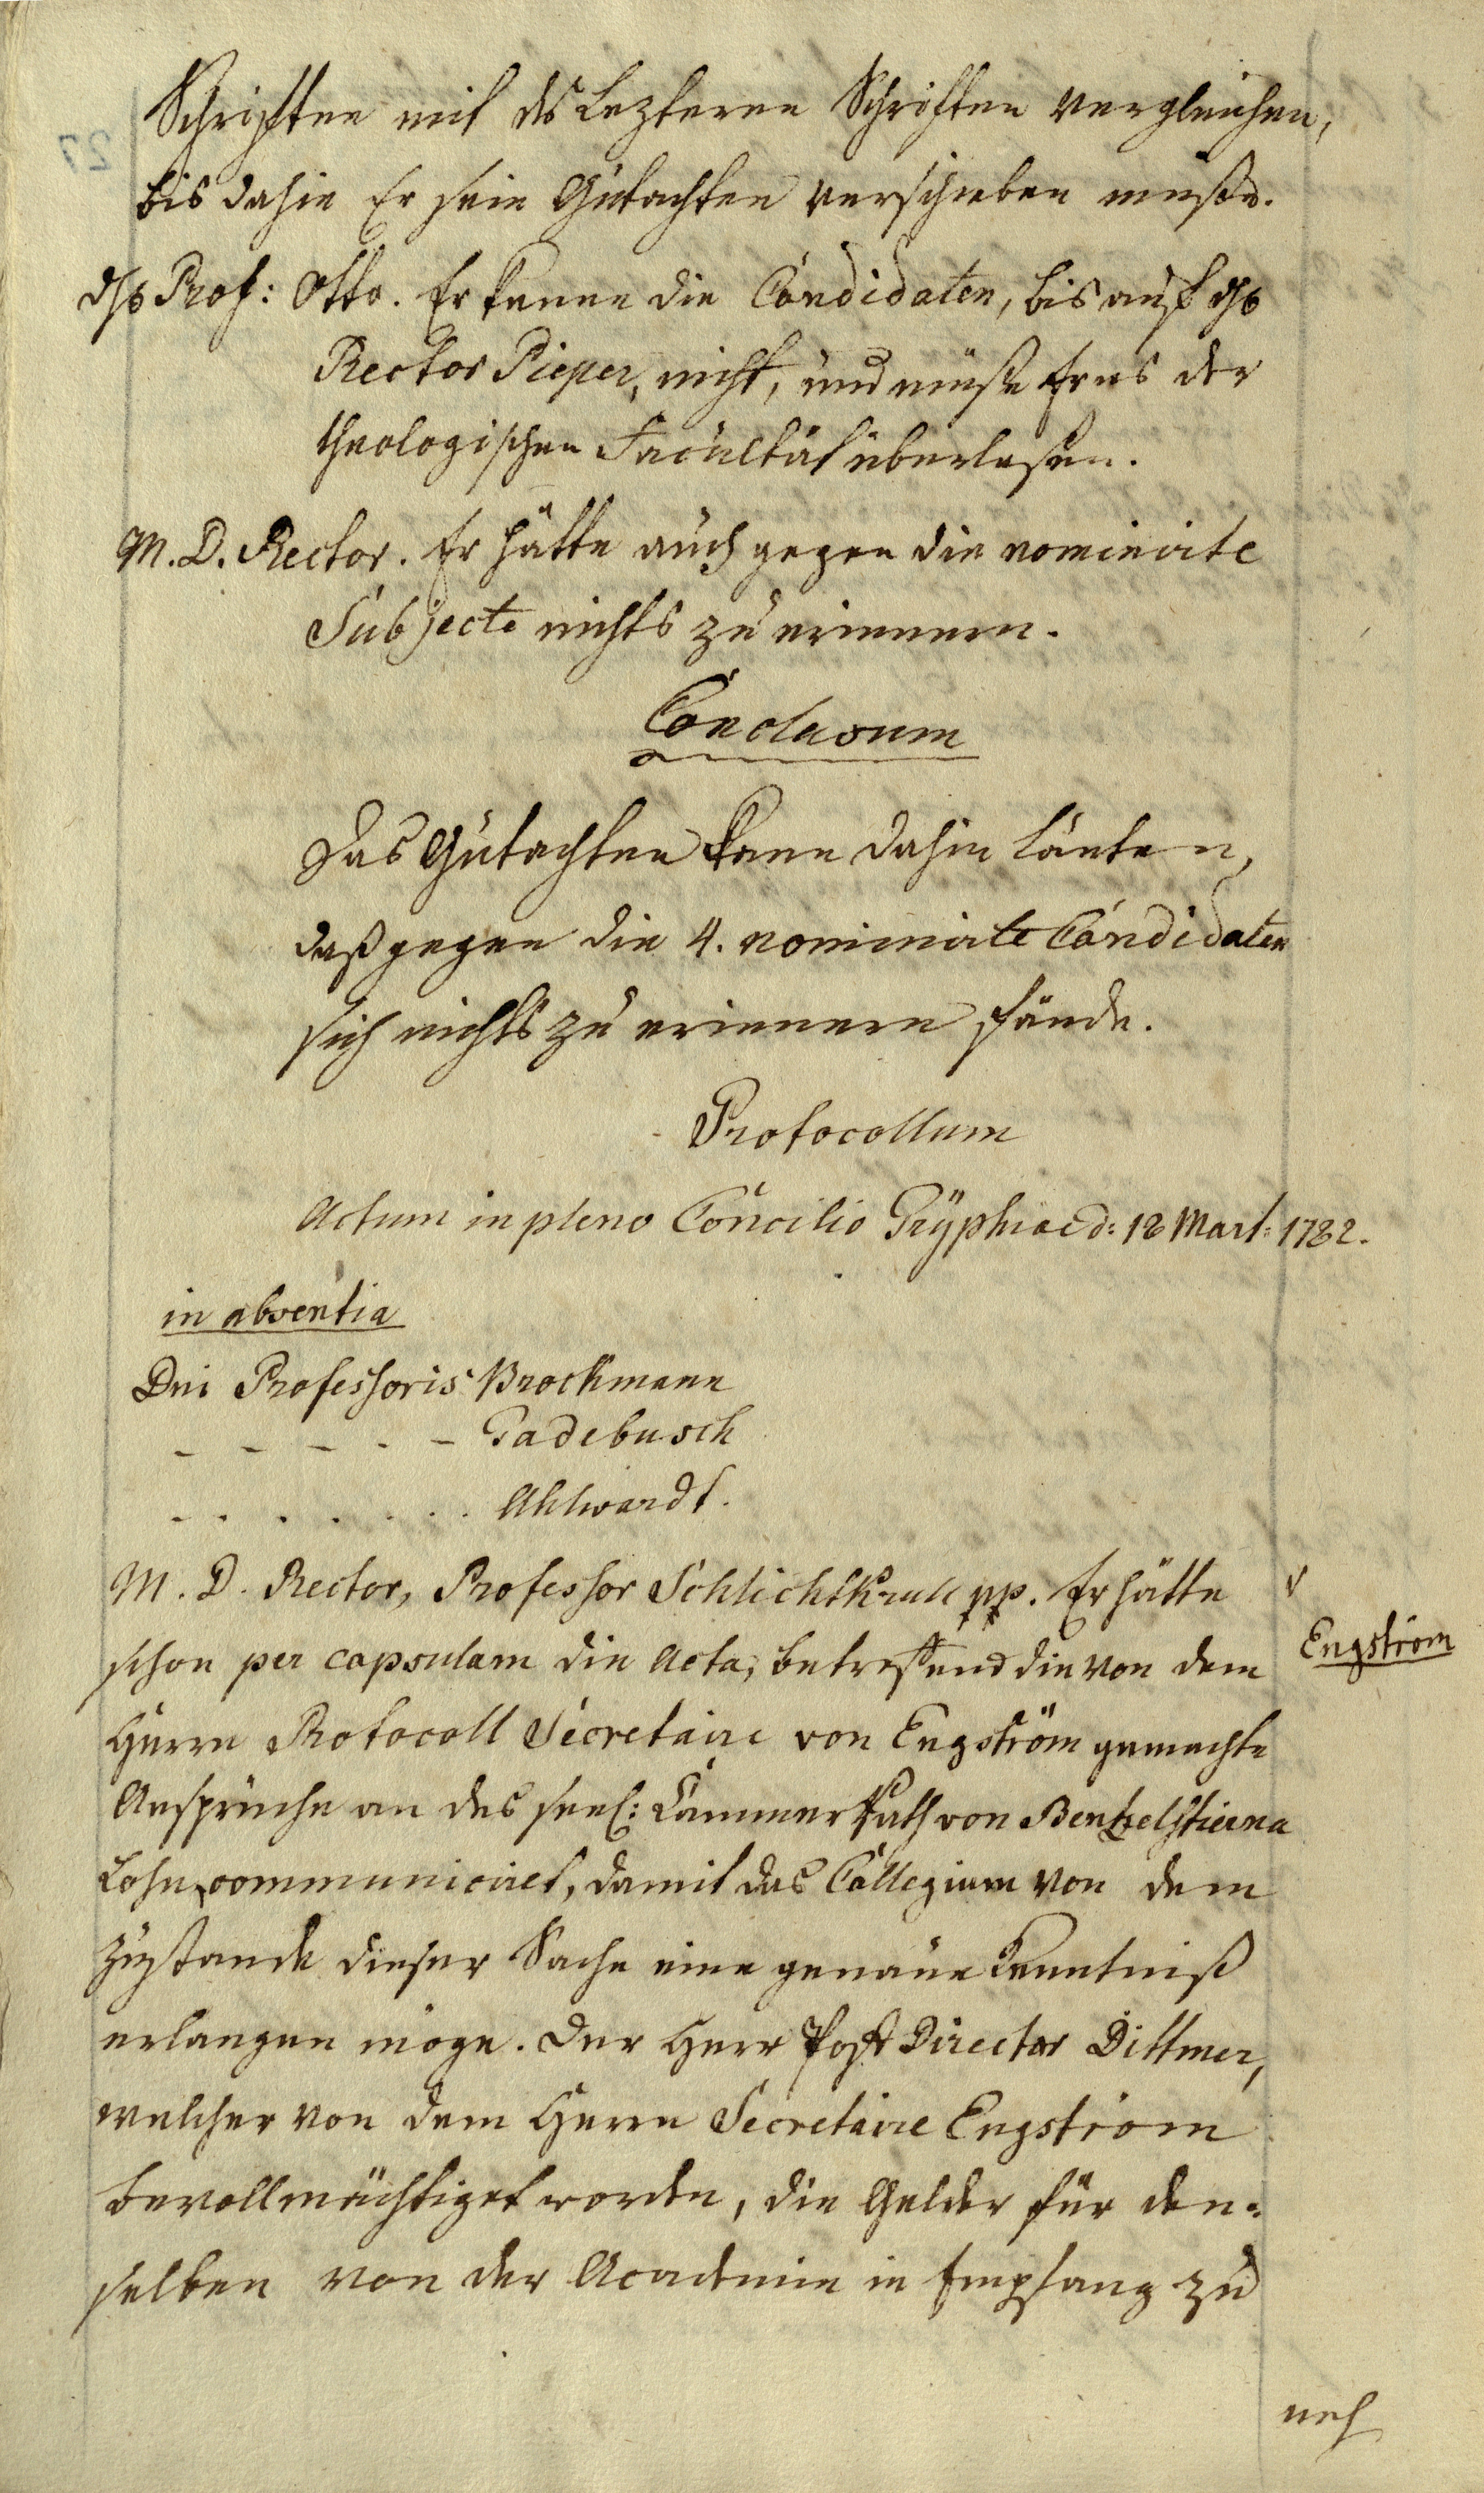Schriften mit des Lezteren Schriften vergleichen,
bis dahin Er sein Gutachten verschieben müße.
dh. Prof. Otto. Er kenne die Candidaten, bis auf dh
Rector Pieper, nicht, und müße Er es der
theologischen Facultät überlaßen.
M. D. Rector. Er hätte auch gegen die nominirte
Subjecte nichts zu erinnern.
Conclusum
Das Gutachten kann dahin lauten,
daß gegen die 4. nominirte Candidaten
sich nichts zu erinnern fände.
Protocollum
Actum in pleno Concilio Grÿphiae d. 18 Mart 1782.
in absentia
Dni Professoris Brockmann
Gadebusch.
Ahlwardt.
M. D. Rector, Professor Schlichtkrull pp. Er hätte
schon per capsulam die Acta, betreffend die von dem
Herrn Protocoll Secretaire von Engström gemachte
Ansprüche an des seel. CammerRath von Bentzelstierna
Lohn communiciret, damit das Collegium von dem
Zustande dieser Sache eine genaue Kenntniß
erlangen möge. Der Herr Post Director Dittmer,
welcher von dem Herrn Secretaire Engström
bevollmächtiget worden, die Gelder für den¬
selben von der Academie in Empfang zu
neh